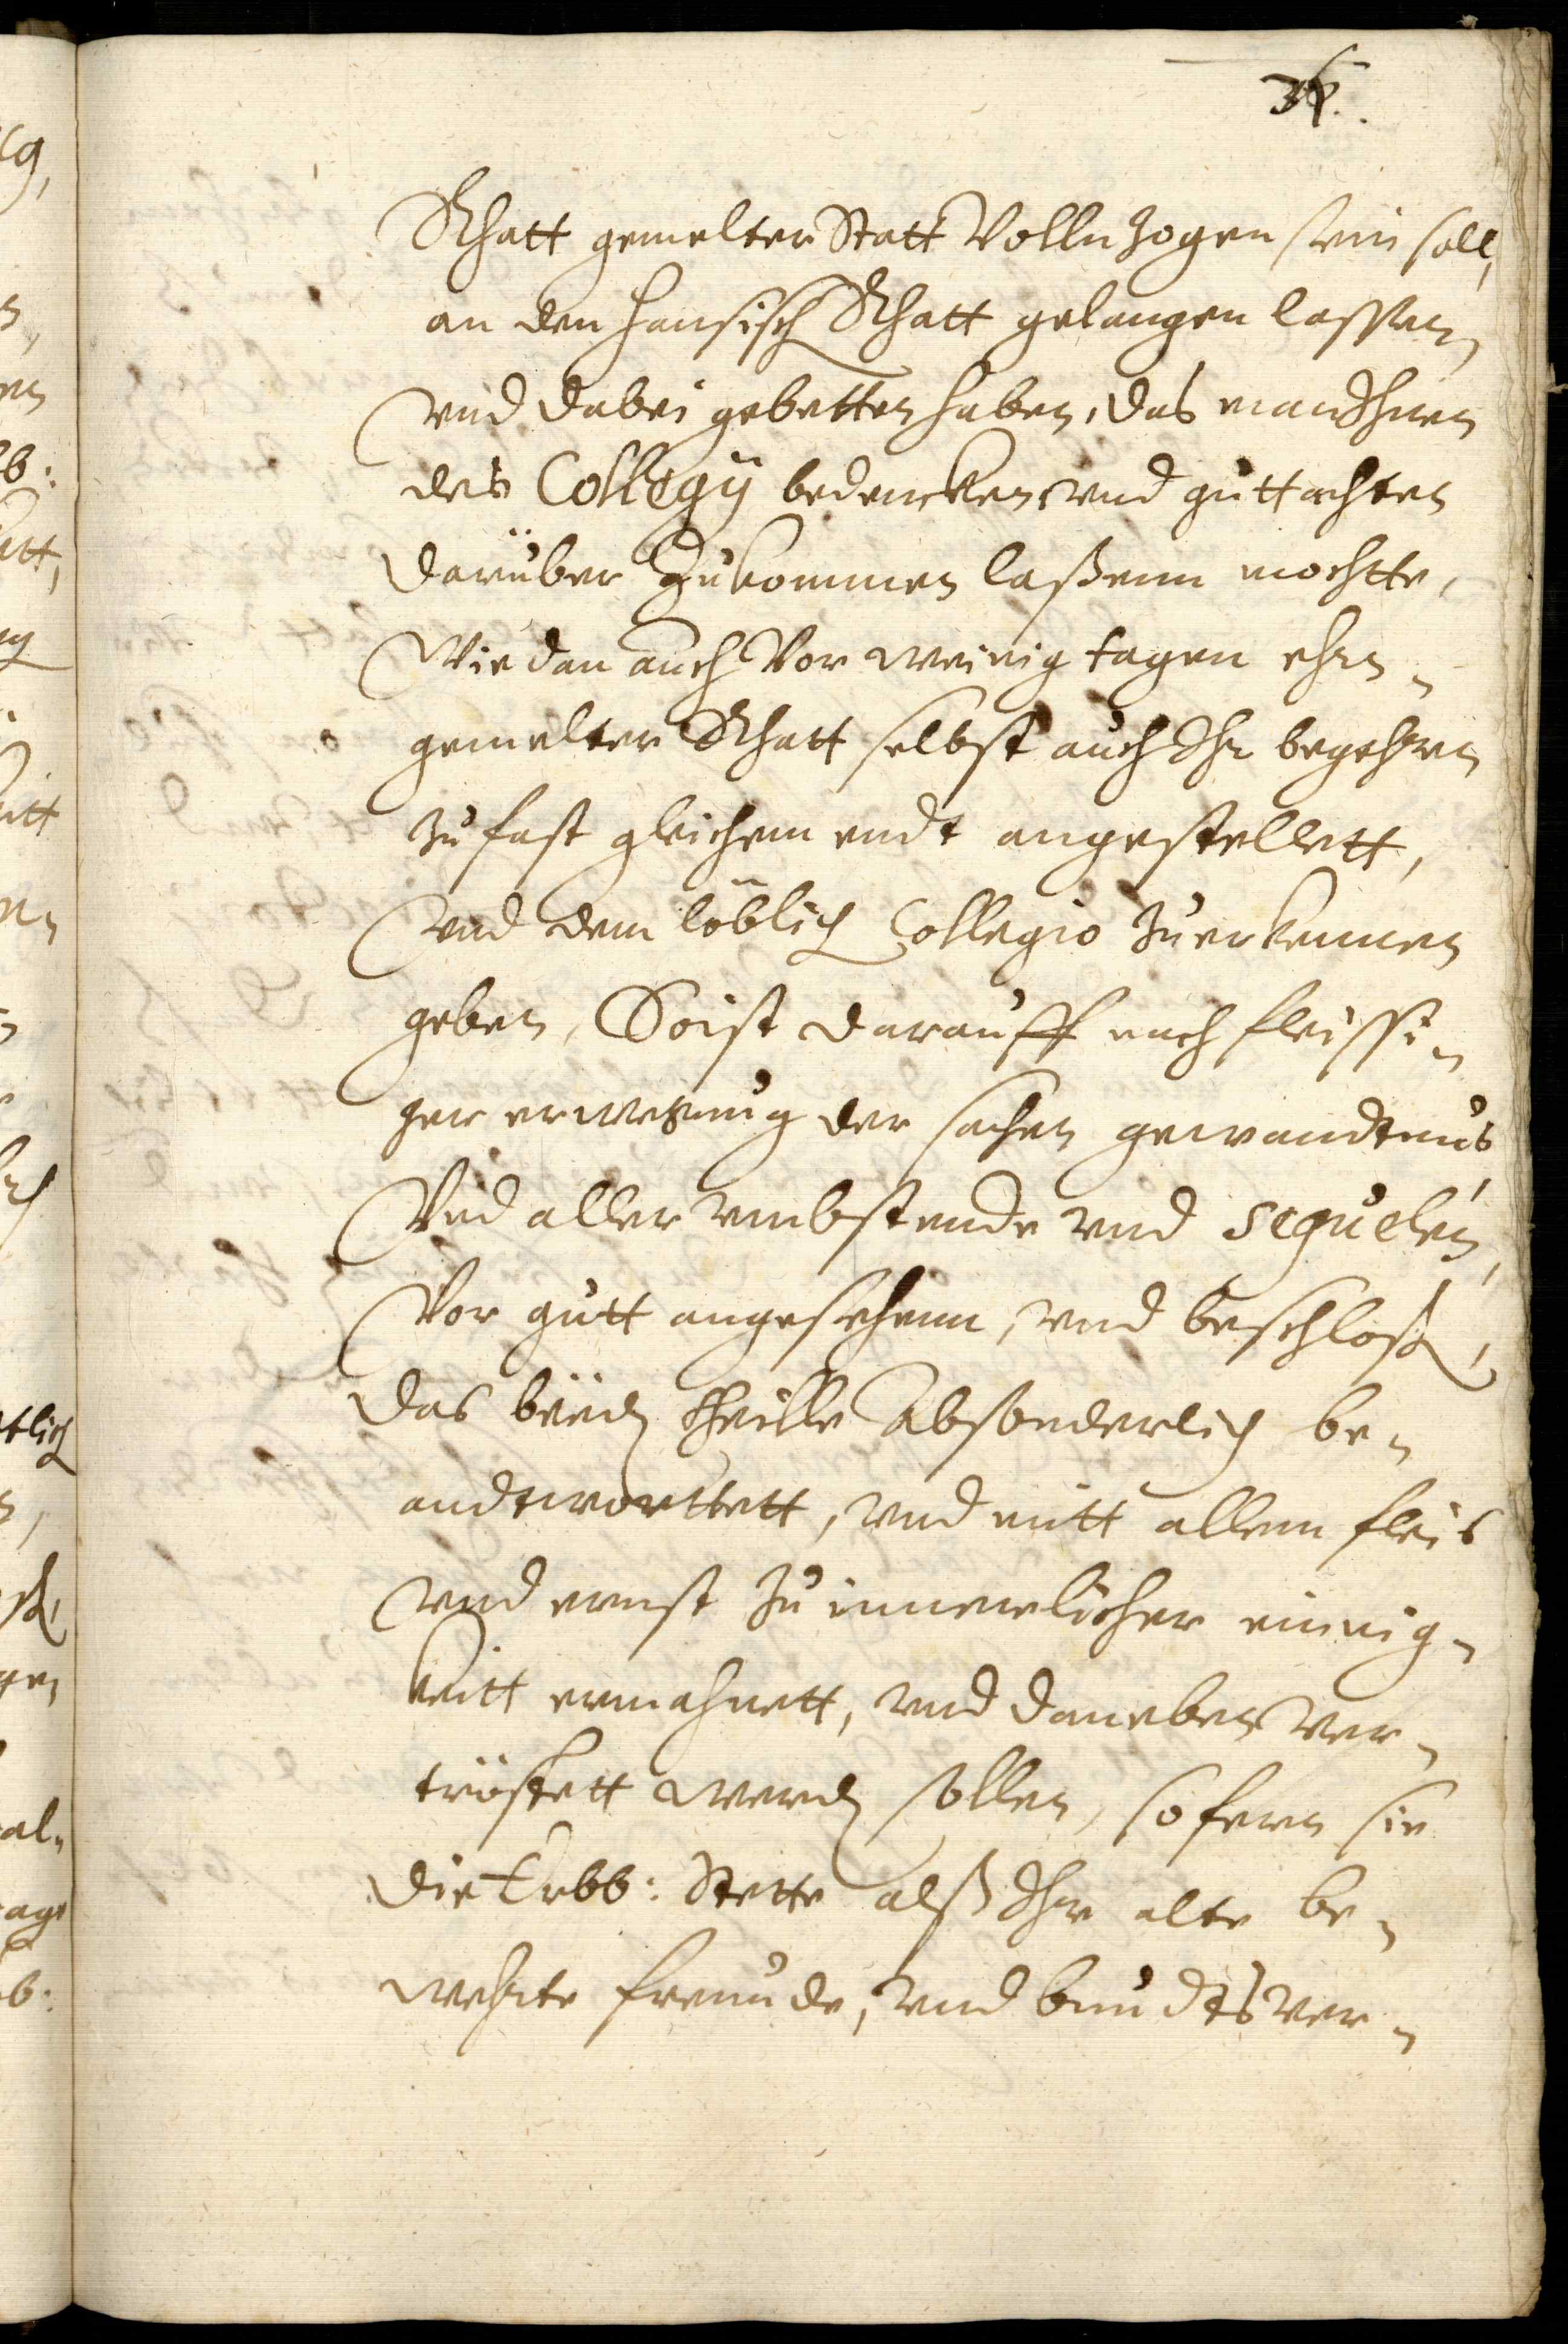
31.
Rhatt gemelter Statt vollnzogen sein soll,
an den Hansischen Rhatt gelangen lassen,
vnd dabei gebetten haben, das man Ihnen
des Collegij bedencken, vnd guttachten
darüber zukommen laßenn mochtte,
Wie dan auch vor weinig tagen ehrn¬
gemelter Rhatt selbst auch Ihr begehrn
zu fast gleichem endt angestellett,
vnd dem löblichen Collegio zu erkennen
geben, Soist darauff nach fleissi¬
ger erwegung der sachen gewandtnus
Vnd aller vmbstende vnd sequelen,
Vor gutt angesehenn, vnd beschloßen,
das beëden theille Absonderlich be¬
andtworttett, vnd mitt allem fleis
vnd ernst zu innerlicher einnig¬
keitt ermahnett, vnd daneben ver¬
tröstett werden sollen, so fern sie
die Erbb: Stette alß Ihr alte be¬
wehrte freunde, vnd bundts ver¬
